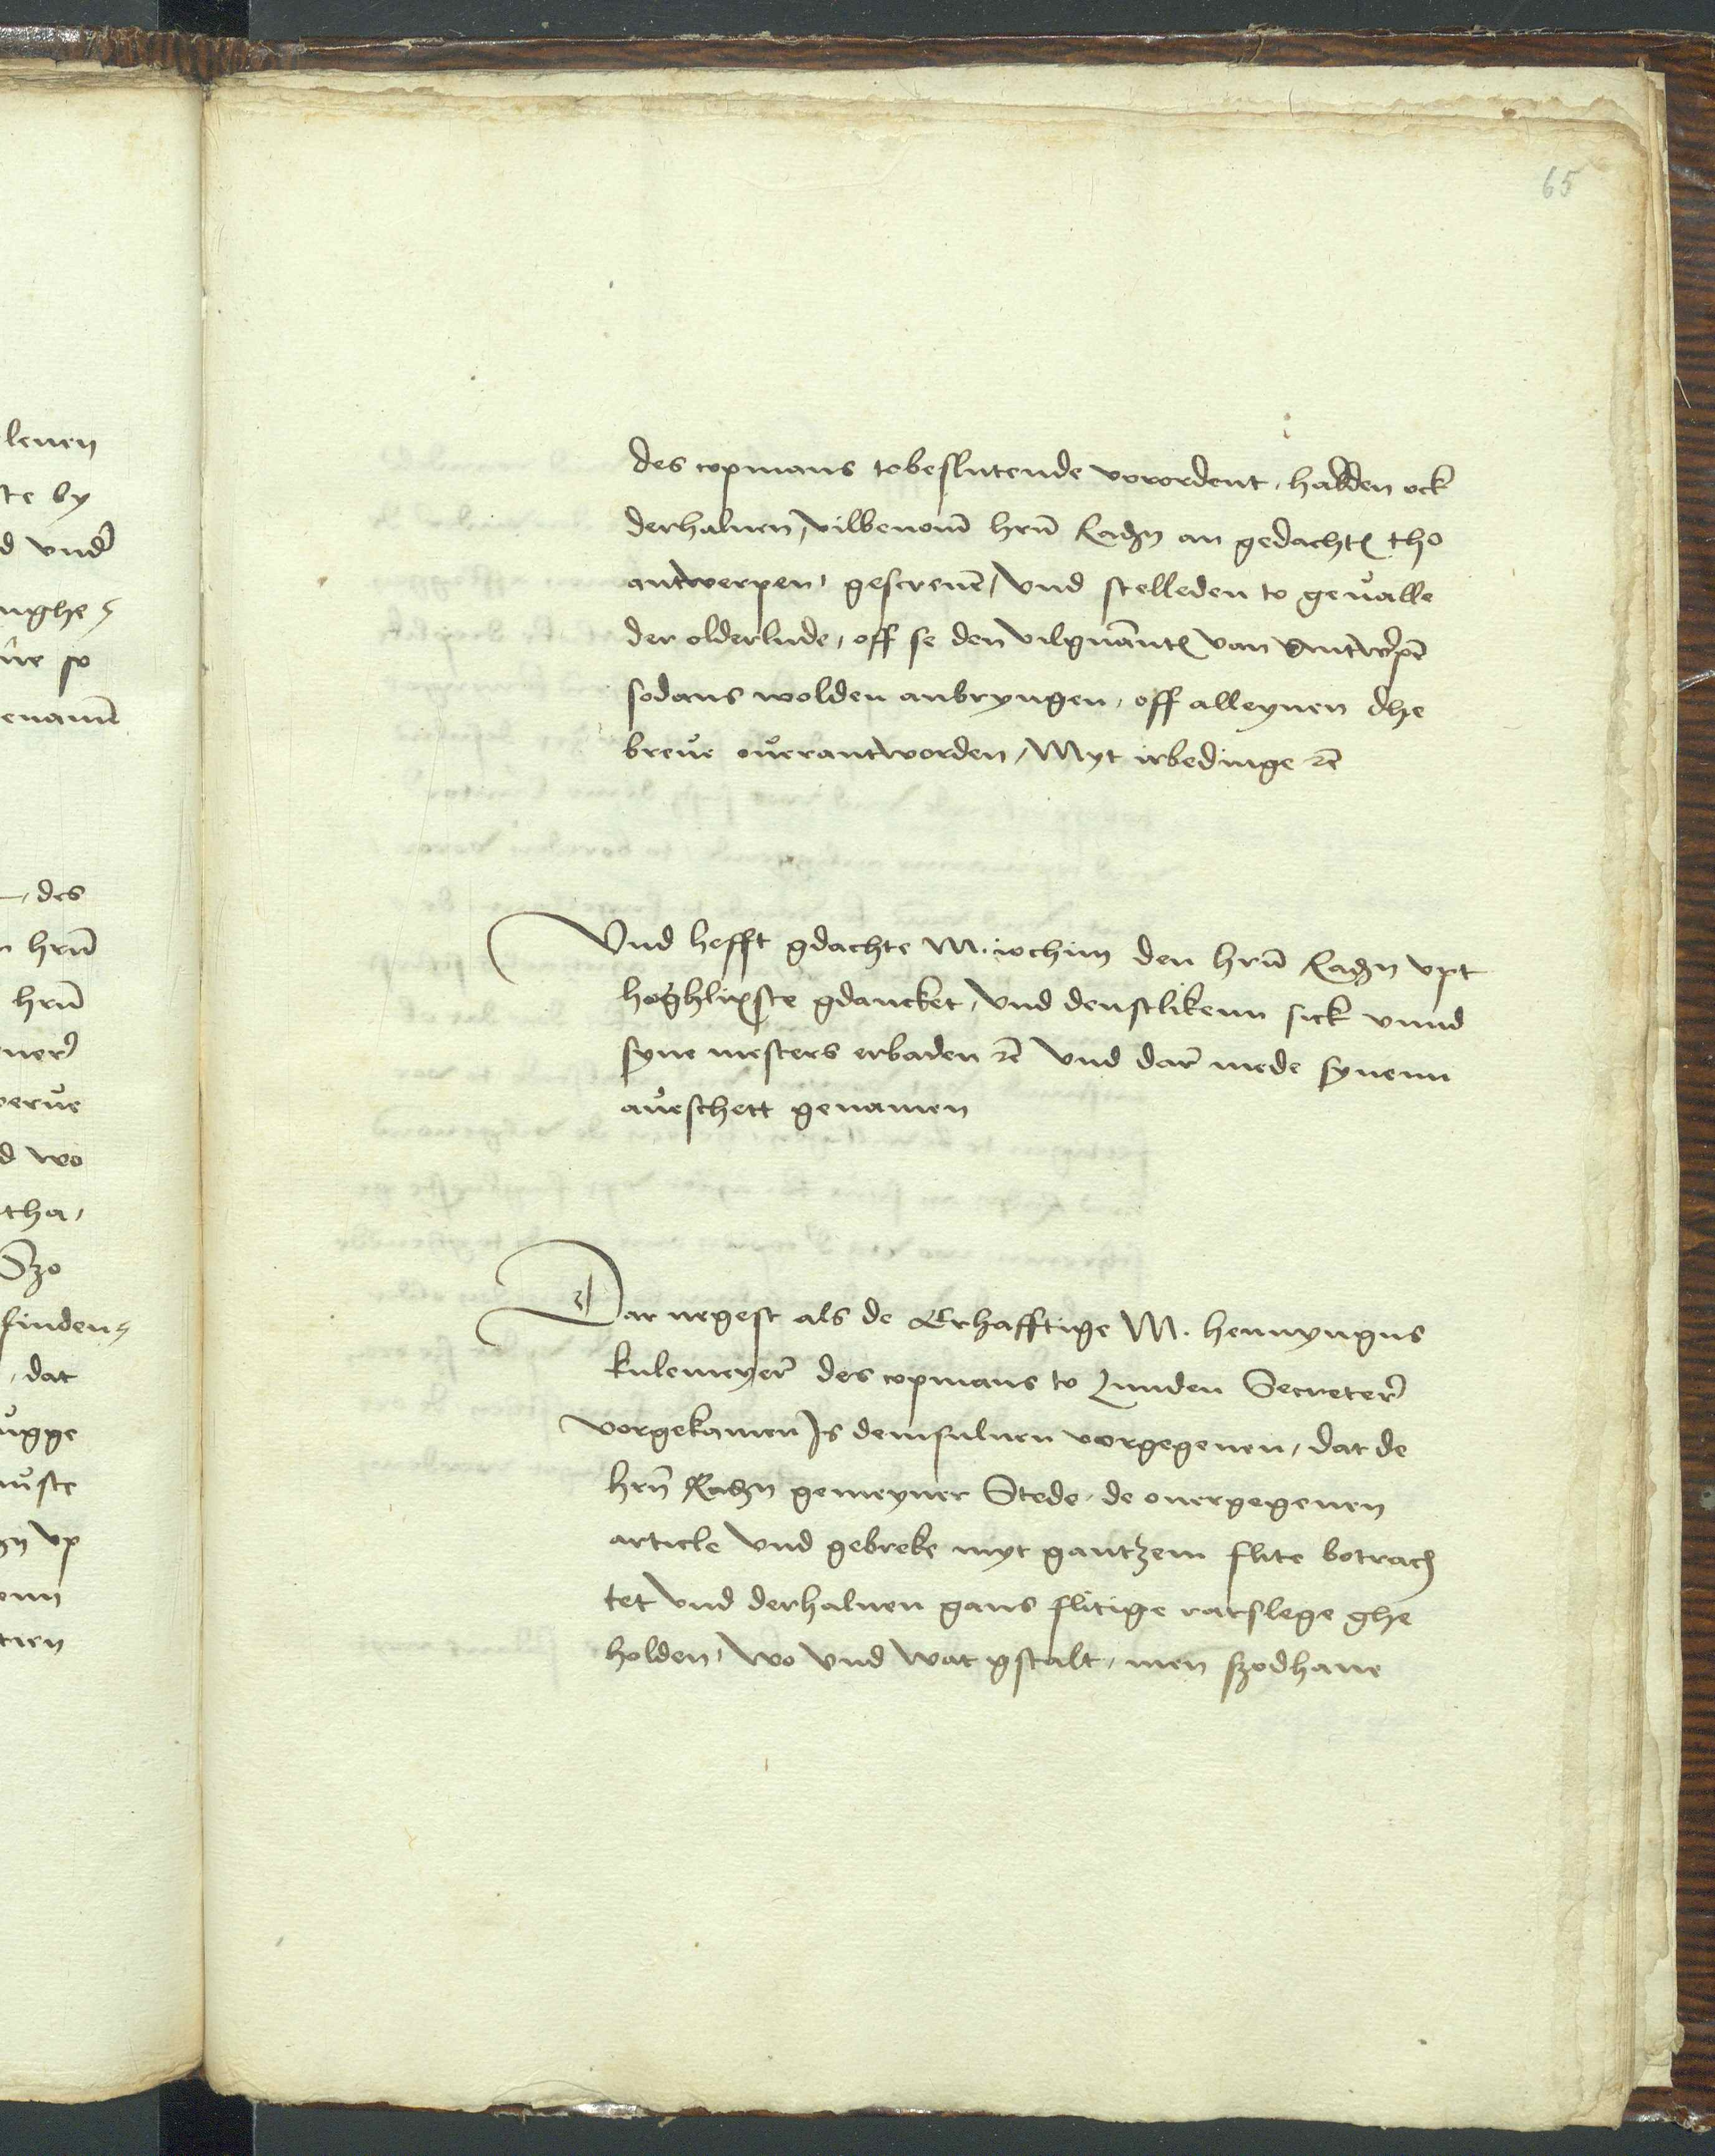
des copmans togeslutende vorordent, hadden ock
derhaluen, vilbenomede hern Radessendebaden an gedachten tho
antwerpen, gescreuen, vnd stelleden to geualle
der olderlude, off se den vilgenannten van antwerpen
sodans wolden anbryngen, off alleynen dhe
breue ouerantworden, Myt irbedinge etc
Vnd hefft gdachte M. iochim den hern Radessendebaden vpt
hoghlixste gdancket, vnd denstlikenn sick vnnd
syne mesters erbaden etc vnd dar mede synenn
aueschett genamen
Dar negest als de Erhafftige M. hennyngus
kulemeyer des copmans to Lunden Secreter
vorgekamen Js demsuluen vorgegeuen, dat de
hern Radessendebaden gemeyner Stede, de ouergegeuen
article vnd gebreke myt gantzem flite botrach¬
tet vnd derhaluen gans flitige ratslege ghe¬
holden, wo vnd wat gstalt, men szodhane
